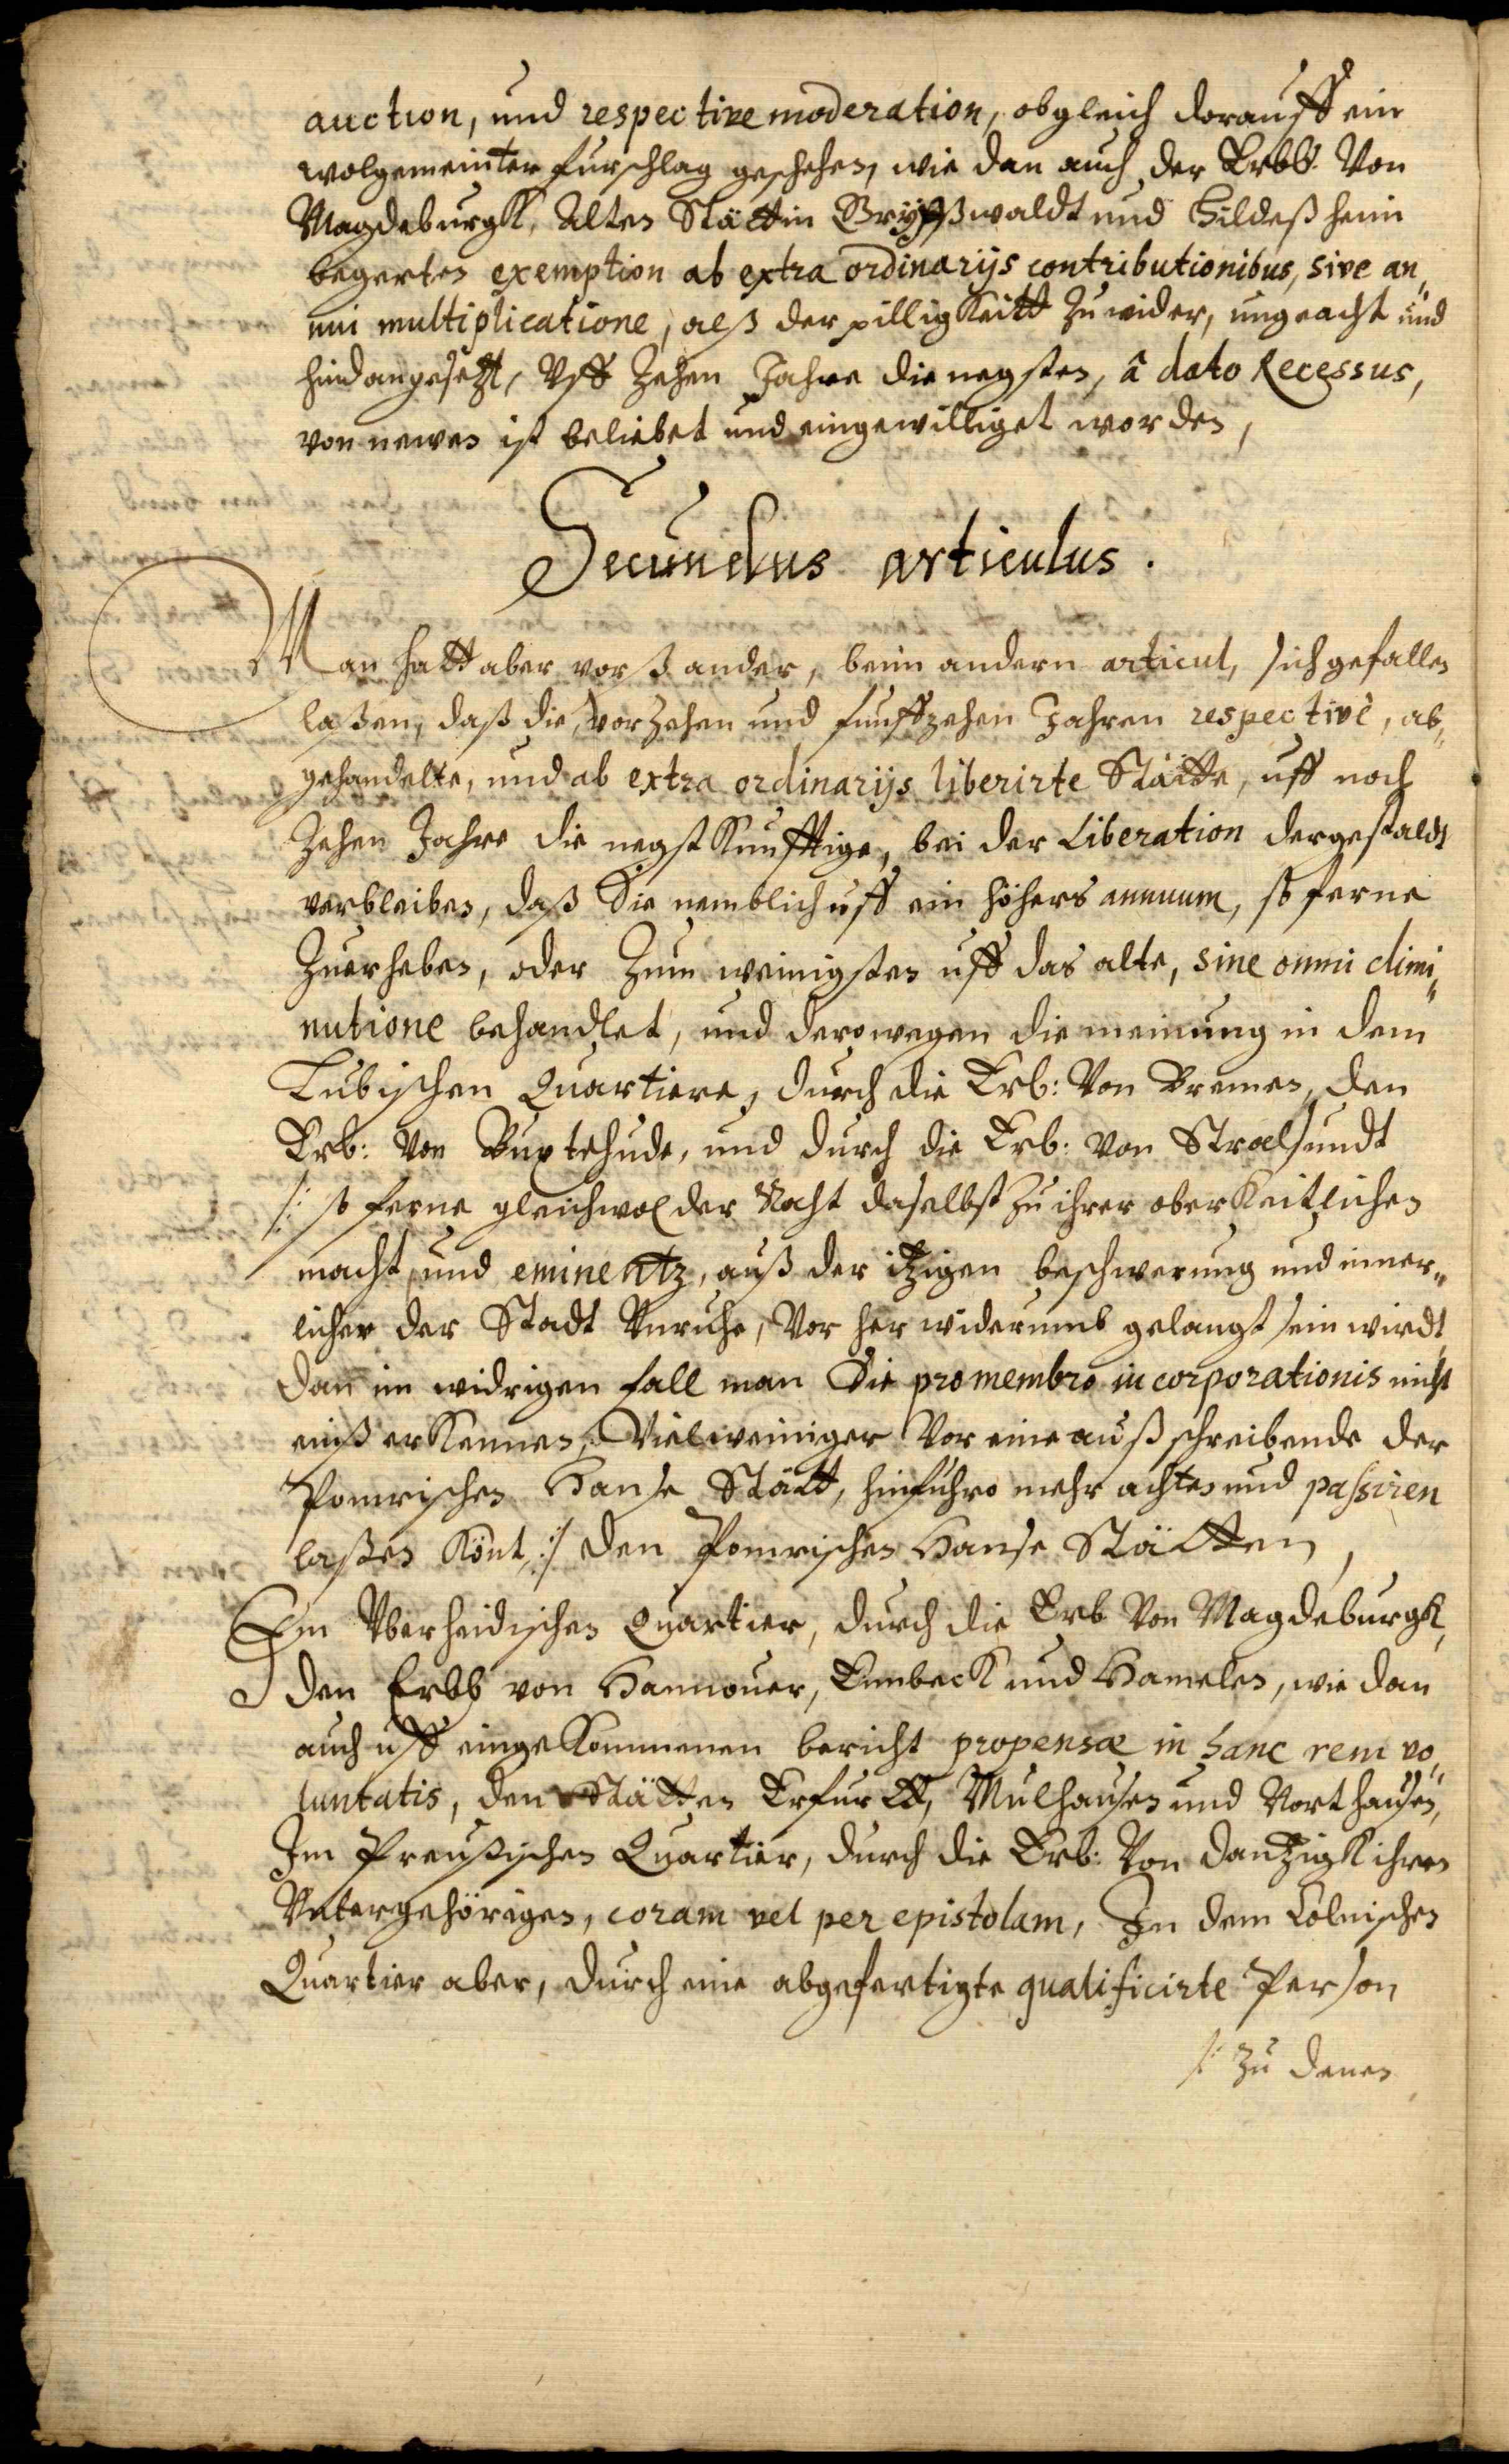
auction, vnd respective moderation, obgleich dorauff ein
wolgemeinter furschlag geschehen, wie dan auch der Erbb: Von
Magdeburgk, Alten Stättin Grijfßwaldt und Hildeßheim
begerten exemption ab extra ordinarijs contributionibus, sive an¬
nui multiplicatione, alß der pilligkeitt zu wider, ungeacht und
hindangesezt, Vff zehen Jahre die negsten, â dato Recessus,
von newen ist beliebet und eingewilliget worden,
Secundus articulus.
Man hatt aber vorß ander, beim andern articul, sich gefallen
laßen, daß die Vor zehen und funffzehen Jahren respective, ab¬
gehandelte, und ab extra ordinarijs liberirte Stätte, uff noch
Zehen Jahre die negst kunfftige, bei der Liberation dergestaldt
verbleiben, daß Sie nemblich uff ein höhers annuum, so ferne
zuerheben, oder zum weinigsten uff das alte, sine omni dimi¬
nutione behandlet, und derowegen die meinung in dem
Lubischen Quartiere, durch die Erb: von Bremen, den
Erb: von Buxtehude, und durch die Erb: von Stralsundt
/: so ferne gleichwol der Recht daselbst zu ihrer oberkeitlichen
macht und eminentz, auß der itzigen beschwerung und inner¬
licher der Stadt Vnruhe, Vor her widerumb gelangt sein wirdt,
dan im widrigen fall man Sie pro membro in corporationis nicht
muß erkennen, Viel weiniger vor eine außschreibende der
Pomrischen Hanse Stätt, hinfuhro mehr achten und passiren
laßen könt, :/ den Pomrischen Hanse Stätten,
Im Vberheidischen Quartier, durch die Erb. Von Magdeburgk,
den Erbb von Hannouer, Eimbeck und Hamelen, wie dan
auch uff eingekommenen bericht propensae in hanc rem vo¬
luntatis, den Stätten Erfurtt, Mulhausen und Northausen,
Im Preußischen Quartier, durch die Erb: von Dantzigk ihren
Vntergehörigen, coram vel per epistolam, Zu dem Colnischen
Quartier aber, durch eine abgefertigte qualificirte Person
/: zu denen
